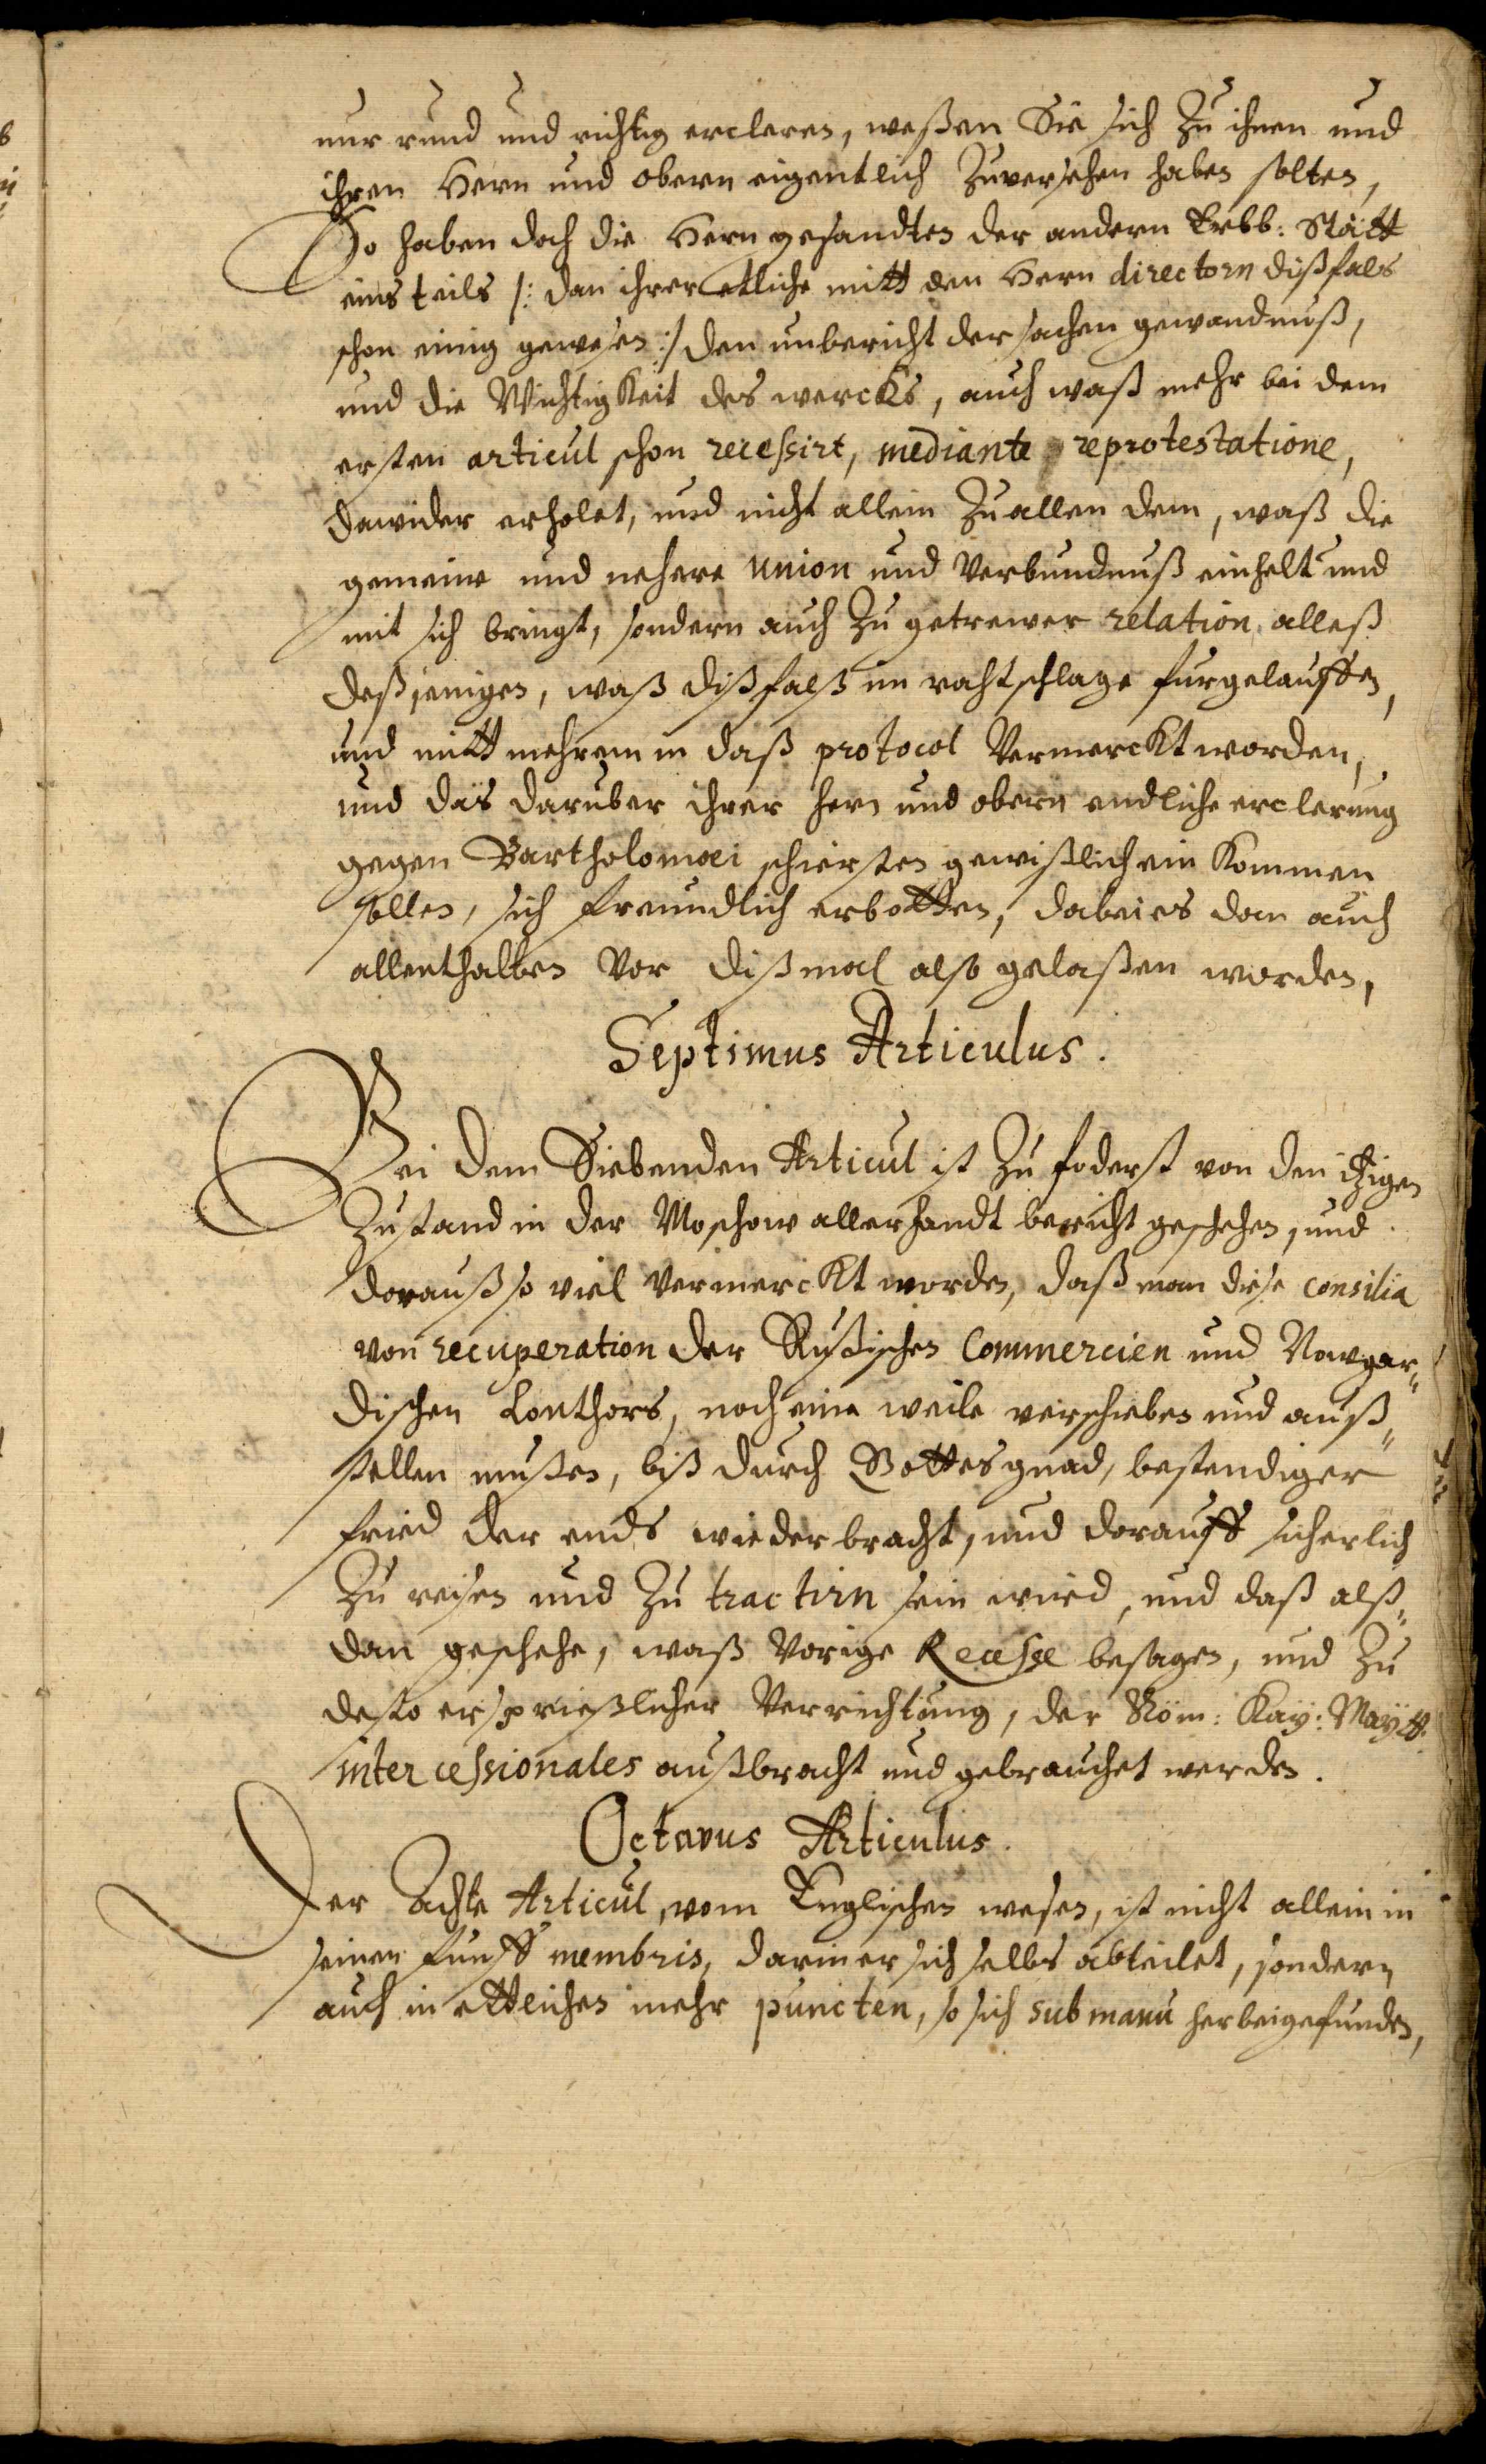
nur rund und richtig ercleren, weßen Sie sich zu ihnen und
ihren Hern und Obern eigentlich zuversehen haben solten,
So haben doch die Hern gesandten der andern Erbb: Stätt
eins teils /: dan ihrer etliche mitt den Hern directorn dißfals
schon einig gewesen :/ den unbericht der sachen gewandnuß,
vnd die Wichtigkeit des wercks, auch waß mehr bei dem
ersten articul schon recessirt, mediante reprotestatione,
dawider erholet, und nicht allein zu allen dem, waß die
gemeine und nehere Union und Verbundnuß einhelt und
mit sich bringt, sondern auch zu getrewer relation, alleß
deßjenigen, waß dißfalß im rahtschlage furgelauffen,
und mitt mehrem in daß protocol Vermerckt worden,
und das daruber ihrer hern und obern endliche erclerung
gegen Bartholomaei schiersten gewißlich ein kommen,
sollen, sich freundlich erbotten, dabei es dan auch
allenthalben vor dißmal also gelaßen worden,
Septimus Articulus.
Bei dem Siebenden Articul ist zu foderst von den itzigen
Zustand in der Moschow allerhandt bericht geschehen, und
darauß so viel vermerckt worden, daß man diese consilia
von recuperation der Rußischen Commercien und Nowgar¬
dischen Conthors, noch eine weile verschieben und auß¬
stellen mußen, biß durch Gottes gnad, bestendiger
fried der ends wieder bracht, und darauff sicherlich
zu weisen und zu tractirn sein wird, und daß alß¬
dan geschehe, waß vorige Recesse besagen, und zu
desto ersprießlicher Verrichtung, der Röm: Kaij: Maijtt:
intercessionales außbracht und gebrauchet werden.
Octavus Articulus.
Der Achte Articul, vom Englischen wesen, ist nicht allein in
seinen funff membris, darin er sich selbs abteilet, sondern
auch in ettlichen mehr puncten, so sich sub manu herbeigefunden,
